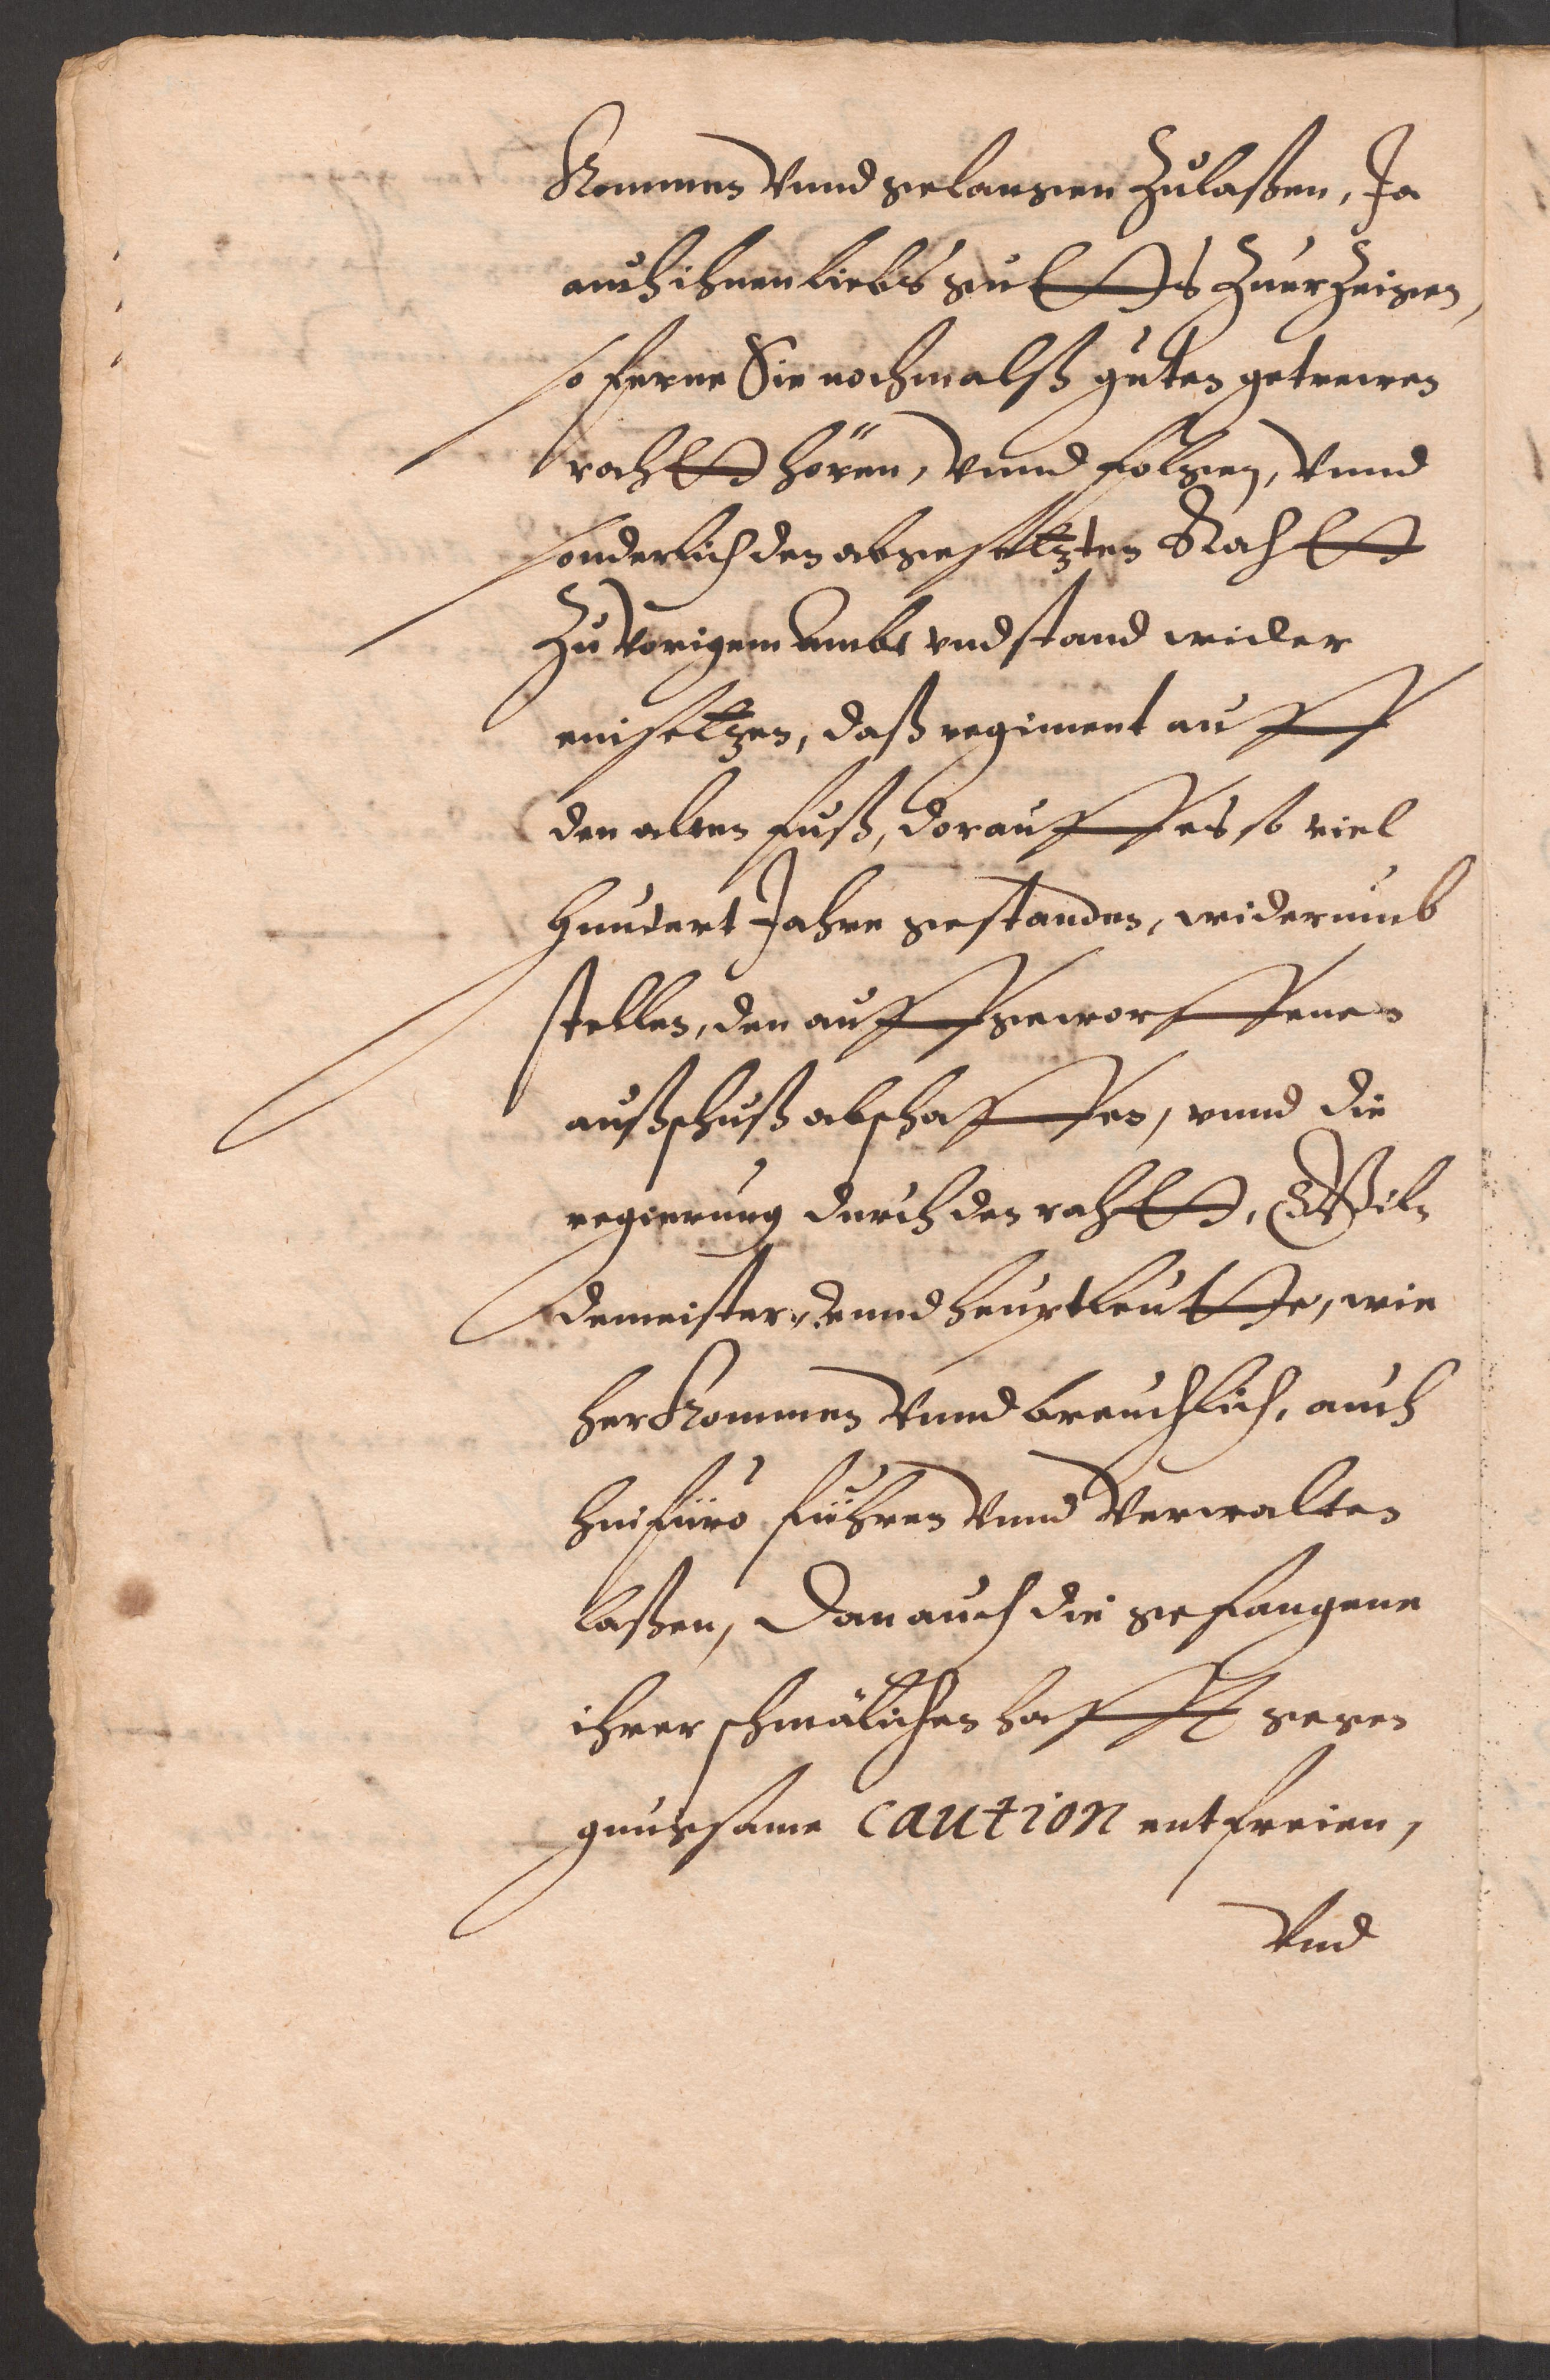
kommen vnnd gelangen zulaßen, Ja
auch ihnen leibs gutts zuerzeigen,
so ferne Sie nochmalß guten getrewen
rahtt hören, vnnd folgen, vnnd
sonderlich den abgesetzten Rahtt
zu vorigem Ambt vnd stand wider
einsetzen, daß regiment auff
den alten fuß, dorauff es so viel
hundert Jahre gestanden, widerumb
stellen, den auffgeworffenen
außschuß abschaffen, vnnd die
regierung durch den rahtt. Gil¬
demeister, vnnd hauptleutte, wie
herkommen vnnd breuchlich, auch
hinfüro führen vnnd verwalten
laßen, darauf die gefangene
ihrer schmälichen hafft gegen
gnugsame caution entfreien,
vnd
